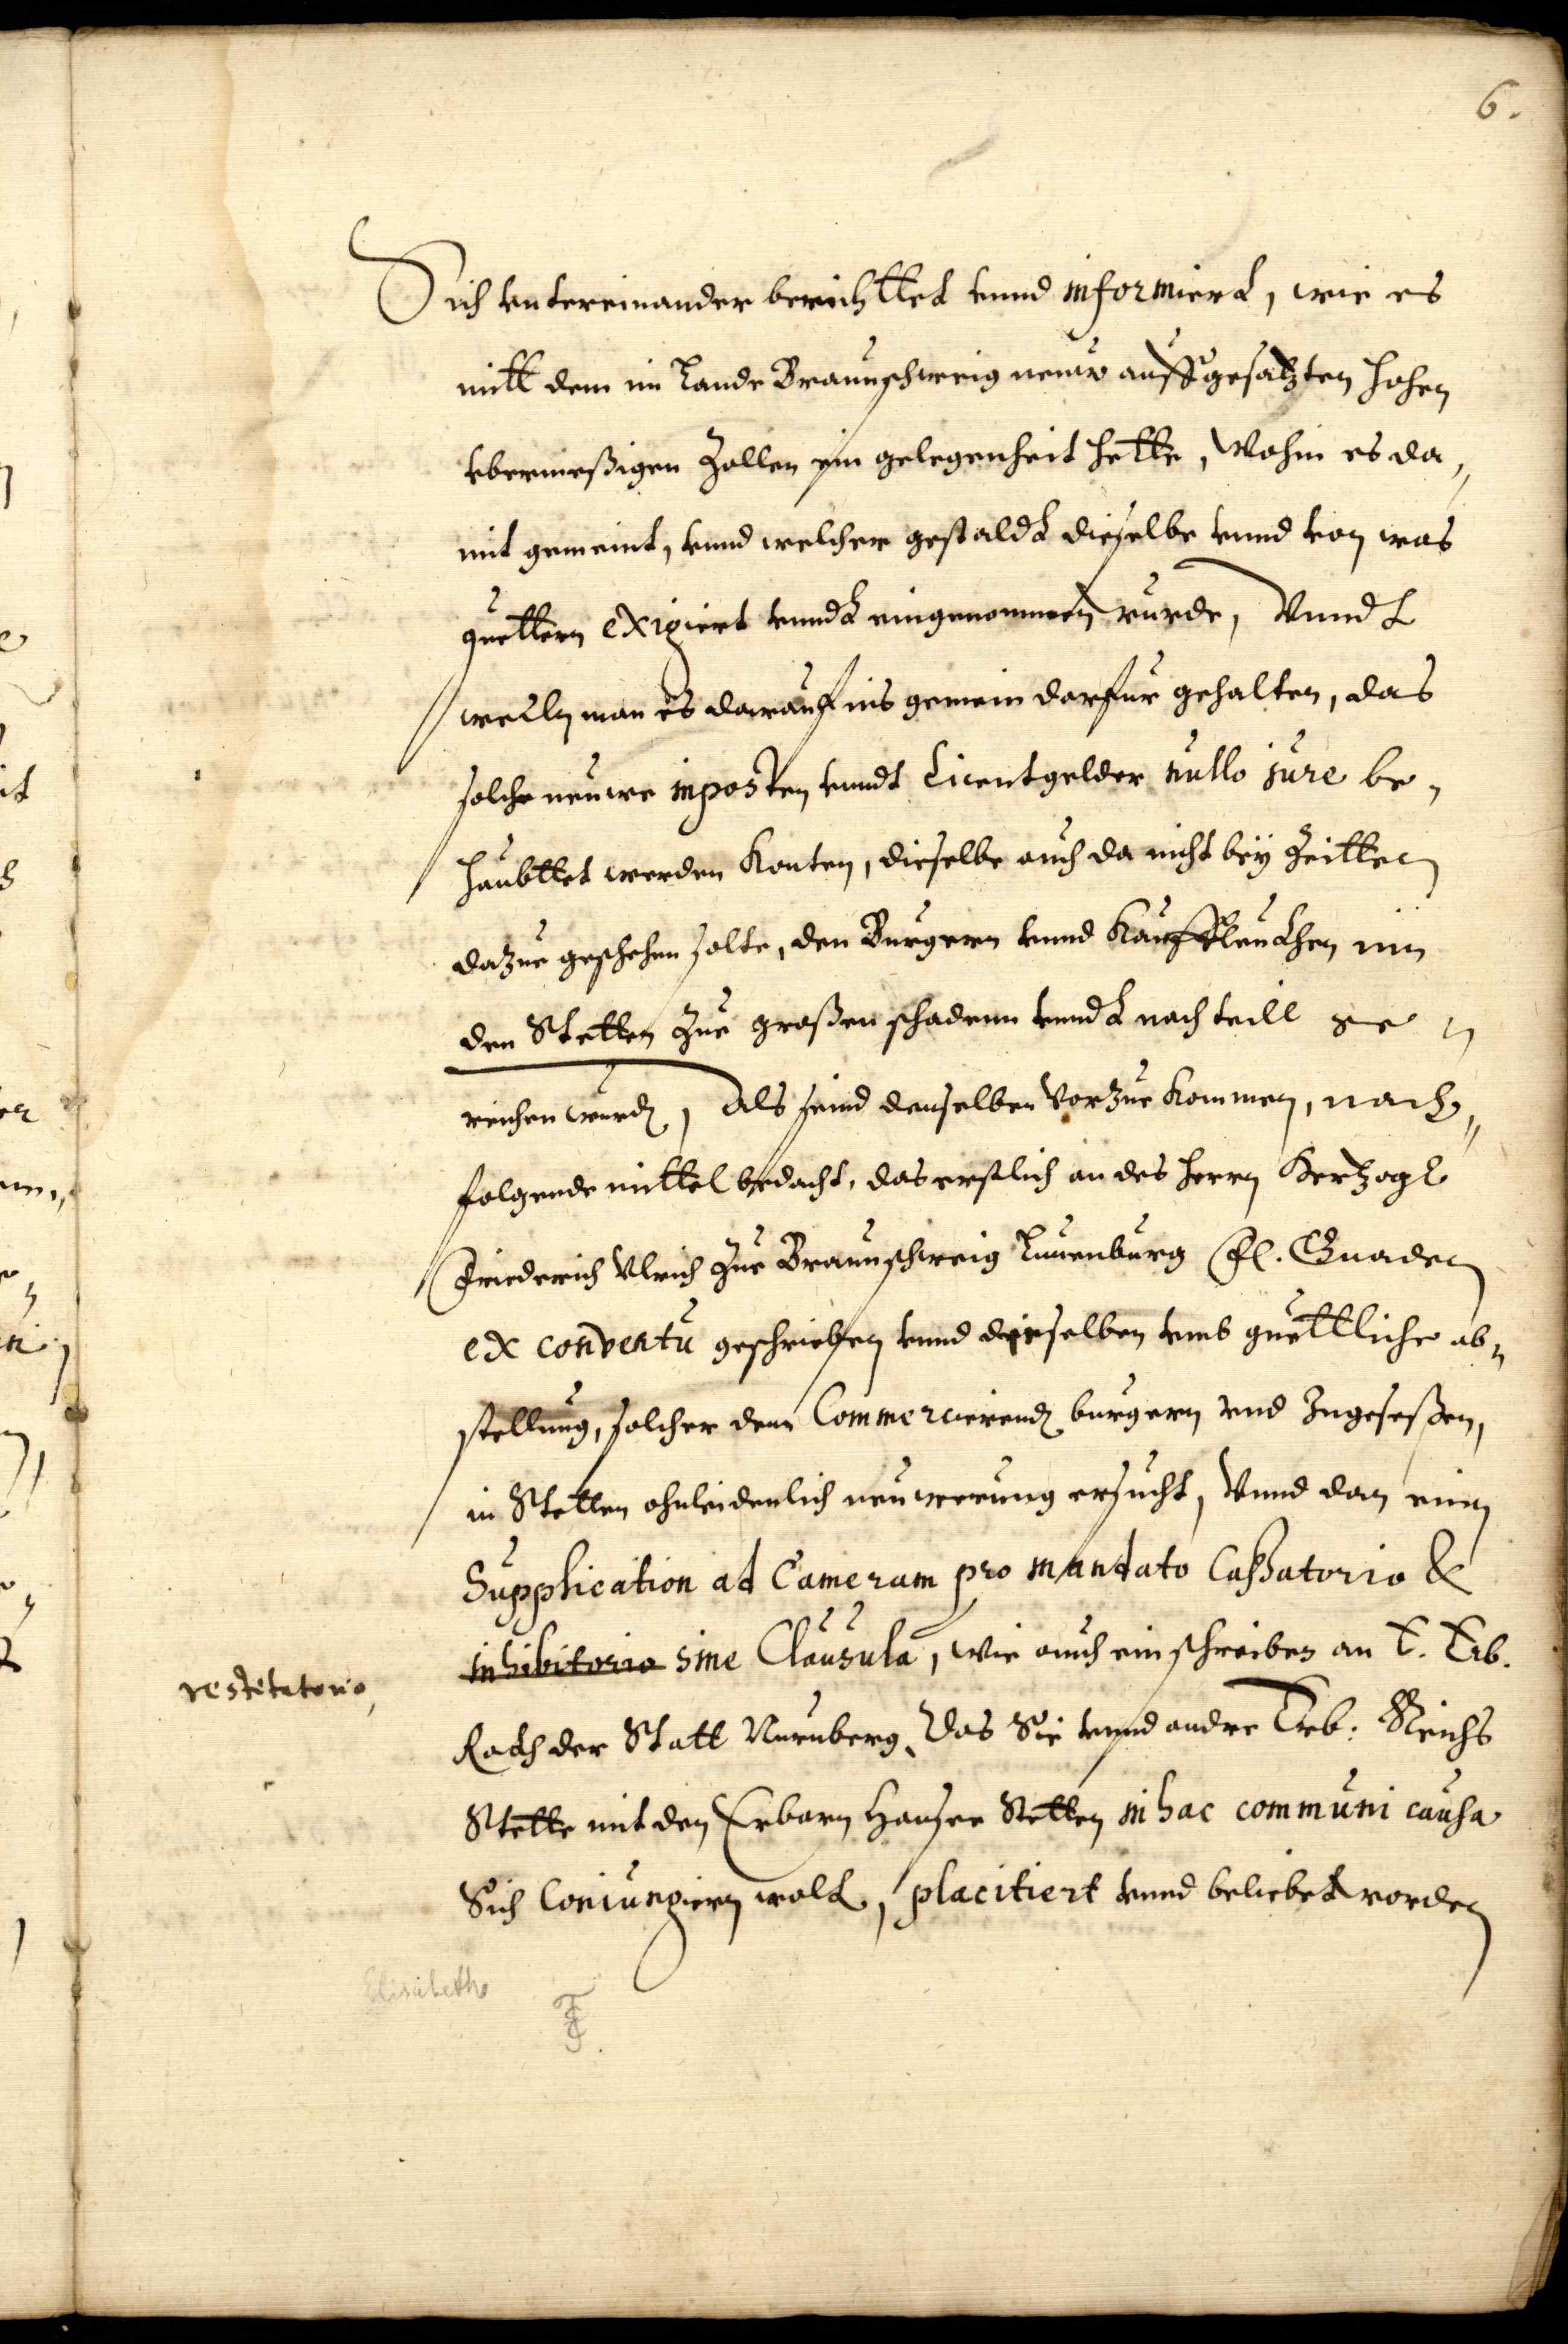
6
restitutio
Sich vntereinander berichttet vnnd informiert, wie es
mitt dem im Lande Braunschweig neuw auffgesetzten hohen
vbermeßigen Zollen ein gelegenheit hette, Wohin es da¬
mit gemeint, vnnd welcher gestald dieselbe vnnd von was
guettern exigiert vnndt eingenommen wurde, Vnndt
weiln man es darauf ins gemein darfur gehalten, das
solche neuwe imposten vnndt Licentgelder nullo jure be¬
haubttet werden konten, dieselbe auch da nicht beij zeitten
dazue geschehen solte, den Burgern vnnd Kauffleuthen inn
den Stetten zue großen schadenn vnndt nach teill ge¬
gereichen wurden, Als seind denselben vorzuekommen, nach¬
folgende mittel bedacht, das erstlich an des herrn Hertzogh
Friederich Vlrich zue Braunschweig Lunenburg Fl. Gnaden
ex conventu geschrieben vnnd dieselben umb guettliche ab¬
stellung, solcher denn Commercierenden burgern vnd Ingeseßen,
in Stetten ohnleidenlich neuwerung ersucht, vnnd das einen
Supplication ad Camerum pro mandato caßatorio &
inhibitoria sine Clausula, Wie auch ein schreiben an E. Erb.
Rath der Statt Nurnberg, Das Sie vnnd andre Erb: Reichs
Stette mit den Erbarn Hansee Stetten in hac communi causa
Sich Coniungiern wolt, placitiert vnnd beliebet worden
